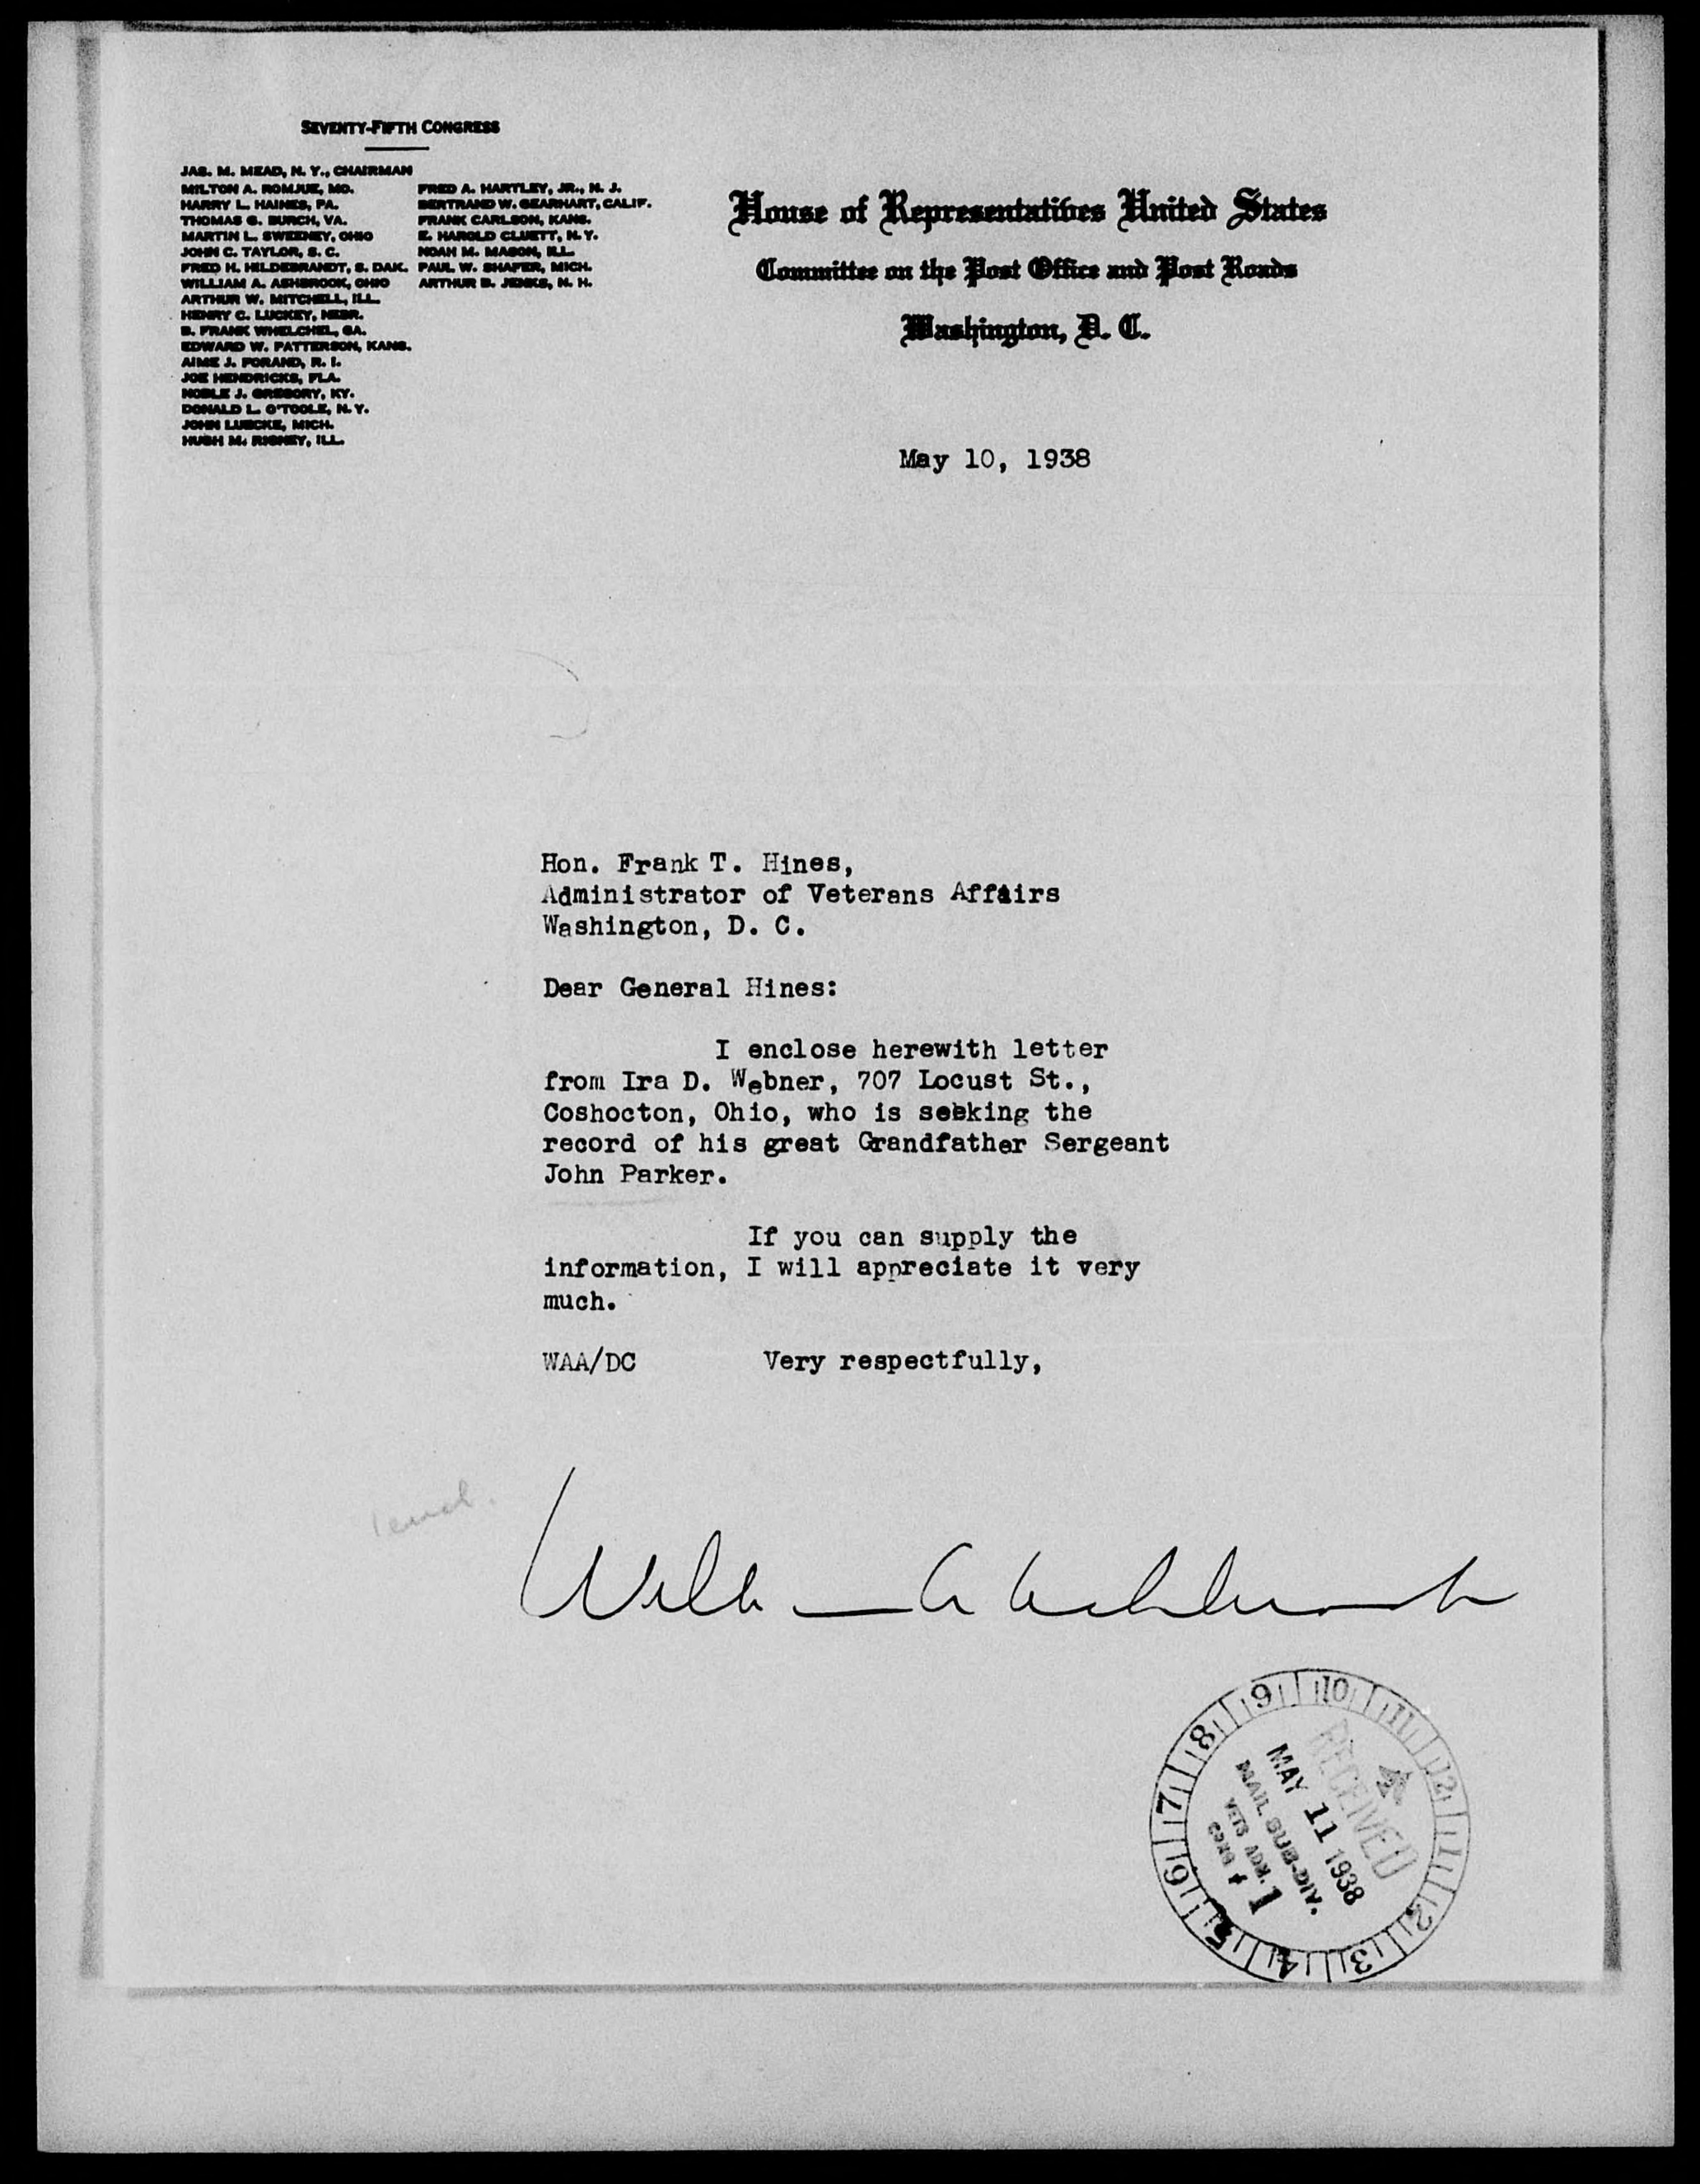[Letterhead details]
[Left hand corner]
SEVENTY-FIFTH CONGRESS
_________
JAS. M MEAD, N.Y., CHAIRMAN
MILTON A. ROMJUE, MO.  FRED A. HARTLEY, JR., N.J.
HARRY L. HAINES, PA.  BERTRAND W. GEARHART. CALIF.
THOMAS C. BURCH, VA.  FRANK CARLSON, KANS.
MARTIN L. SWEENEY, OHIO   E. HAROLD CLUETT. N.Y.
JOHN C. TAYLOR, S.C.   NOAH M. MASON, ILL.
FRED H. HILDEBRANDT, S. DAK.  PAUL W. SHAFER, MICH.
WILLIAM A. ASHBROOK, OHIO  ARTHUR D. JENKS, N.H.
ARTHUR W. MITCHELL, ILL.
HENRY C. LUCKEY, NEBR.
B. FRANK WHELCHEL, GA.
EDWARD W. PATTERSON, KANS.
AIME J. FORAND, R.I.
JOE HENDRICKS, FLA.
NOBLE J GREGORY, KY.
DONALD L. O'TOOLE, N.Y.
JOHN LUECKE, MICH.
HUGH M. [Illegible], ILL.

[center of letterhead]
House of Representatives
Committee on the Post Office and Post Roads
Washington, D.C.

[Letter body]
May 10, 1938

Hon. Frankt T. Hines,
Administrator of Veterans Affairs
Washington, D.C.

Dear General Hines:

I enclose herewith letter from Ira D. Webner, 7076 Locust St., Coshocton, Ohio, who is seeking the records of his great Grandfather Sergeant John Parker.
If you can supply the information, I will appreciate it very much.

WAA/DC  Very respectfully,
//s// Willi A. Ashbrook

[Date-timestamp] 
[Pointer at] 12
RECEIVED
MAY 11 1938
Mail SUB-DIV.
VETS ADM 1
[illegible]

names: Noah M Mason; E Harold Cluett; Arthur D Judson; [ILLEGIBLE] Forand; Arthur W Mitchell; Milton A Romjue; Edward W Patterson; John Luecke; Bertrand W Gearhart; [ILLEGIBLE] Gregory; Joe Hendricks; Ira D Webner; William A Ashbrook; Jas M Mead; Fred A Hartley; Thomas C Burch; John C Taylor; Martin L Sweeney; Willi A Ashbrook; Hobert C [ILLEGIBLE]; Harry L [ILLEGIBLE]; Frank T Hines; Fred H Hildebrandt; Donald L O'Toole; Frank Carlson; John Parker; B Frank Whelchel; Hugh M [ILLEGIBLE]; Paul W Shafer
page: 40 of 40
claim: widow's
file: W. 3,588, for John Parker, Pennsylvania